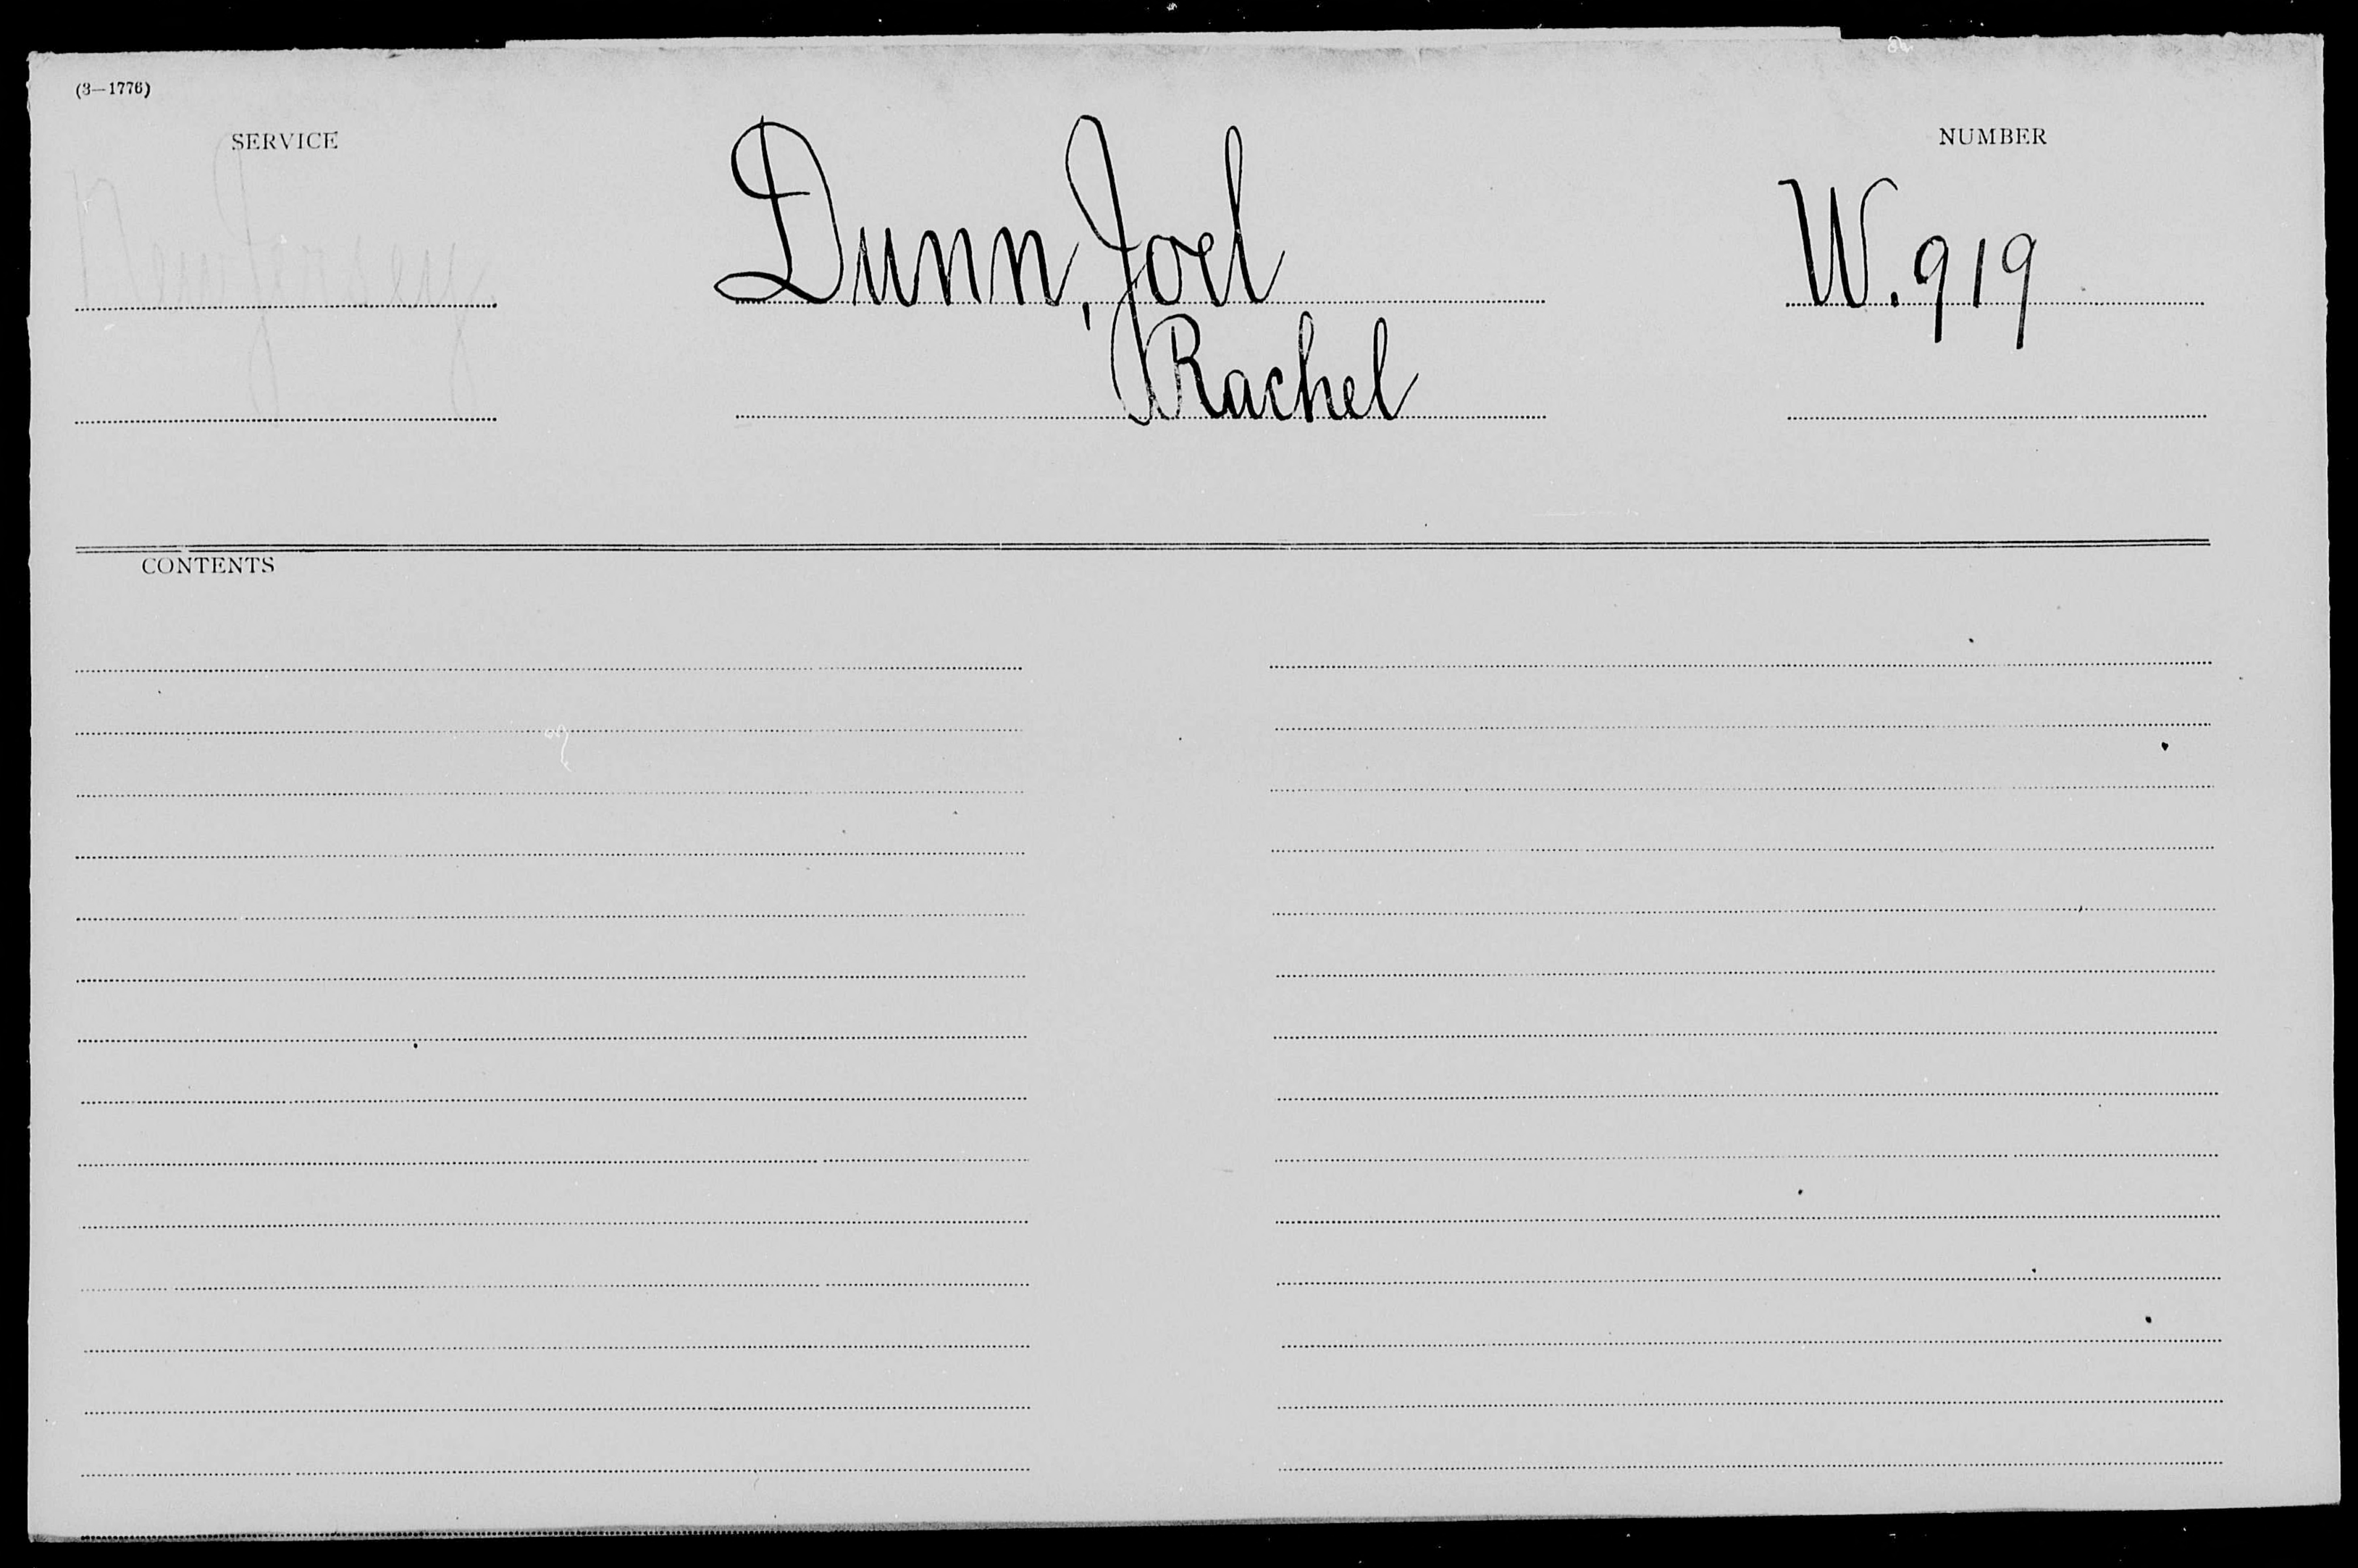SERVICE: New Jersey
Dunn, Joel
Rachel
NUMBER: W.919

CONTENTS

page: 1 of 52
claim: widow's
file: W. 919, Joel Dunn, New Jersey